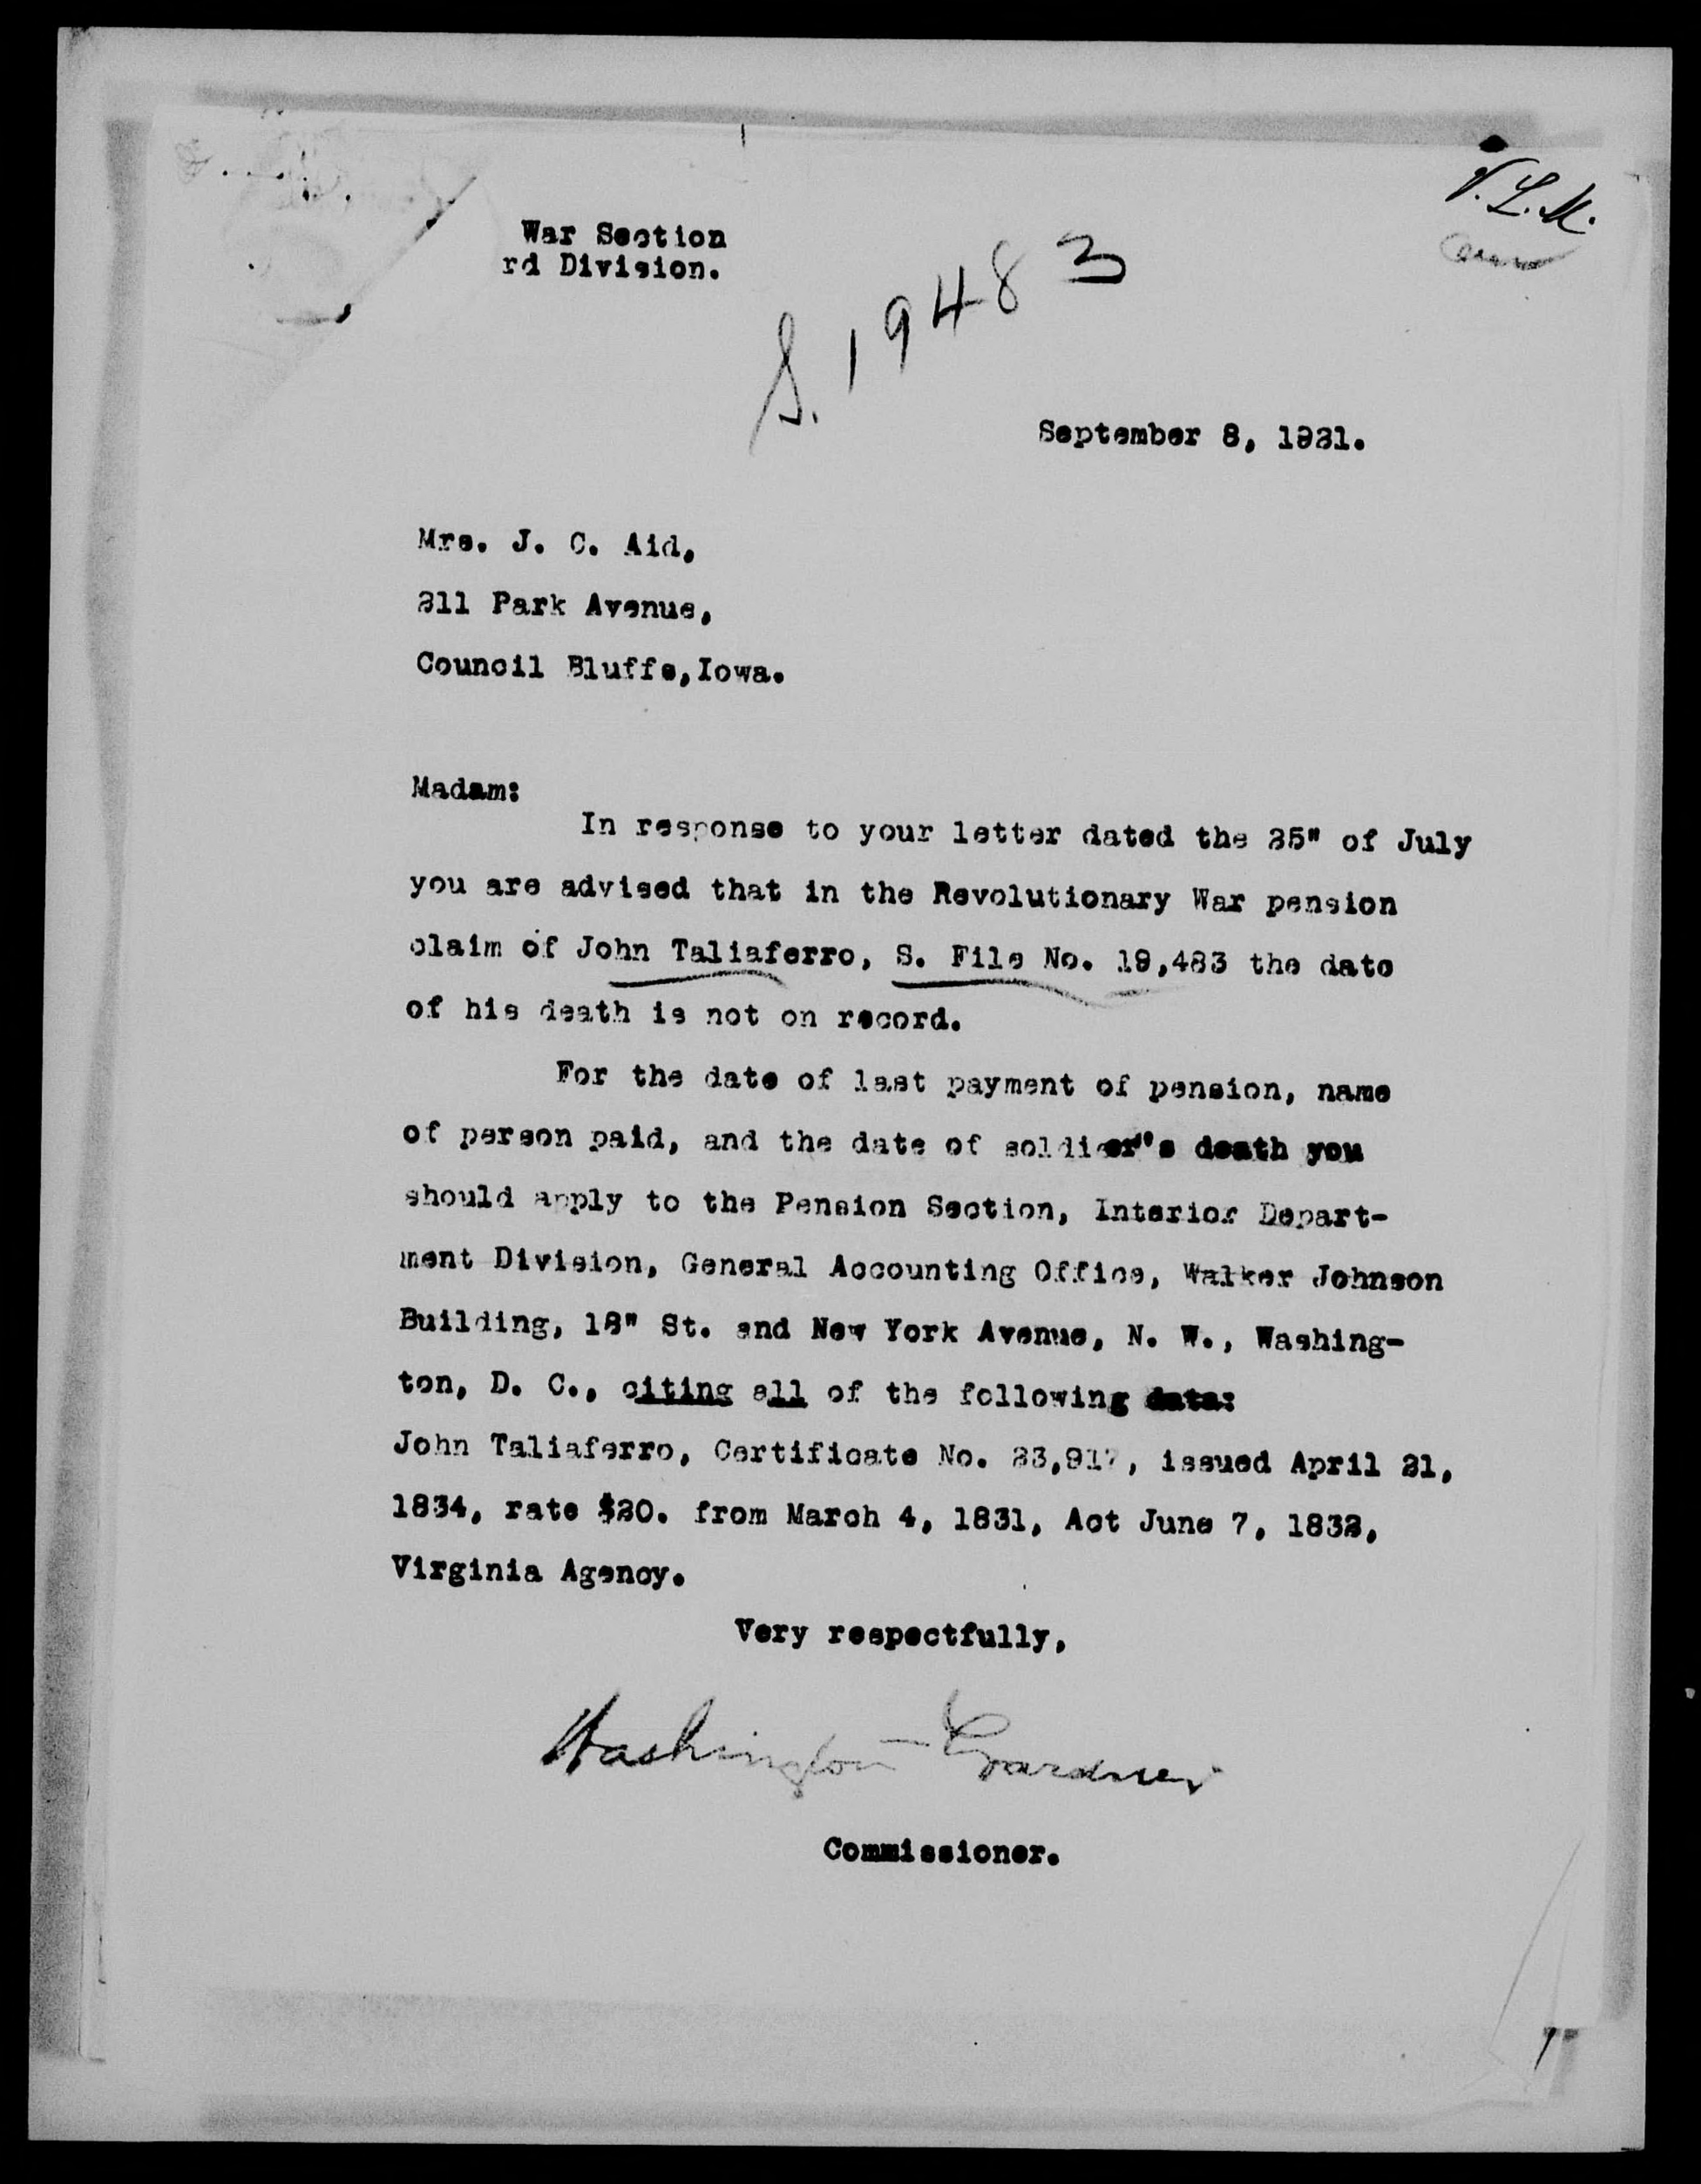War Section 
rd Division. 
V.L.M.
S19483
September 8, 1921. 

Mrs. J. C. Aid. 
211 Park Avenue, 
Council Bluffs, Iowa. 
Madam:
In response to your letter dated the 25th of July you are advised that in the Revolutionary War pension claim of John Taliaferro, S. File No. 19,483 the date of his death is not on record. 

For the date of last payment of pension, name of person paid, and the date of soldier's death you should apply to the Pension Section, Interior Department Division, General Accounting Office, Walker Johnson Building, 18th St. and New York Avenue, N.W., Washington, D. C., citing all of the following data: John Taliaferro, Certificate No. 23,917, issued April 21, 1834, rate $20, from March 4, 1831, Act June 7, 1832, Virginia Agency. 

Very respectfully, 
Washington Gardner 
Commissioner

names: Walker Johnson; John Taliaferro; J C Aid; John Taliaferro; Washington Gardner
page: 12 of 34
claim: survivor's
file: S. 19483, for John Taliaferro, Virginia